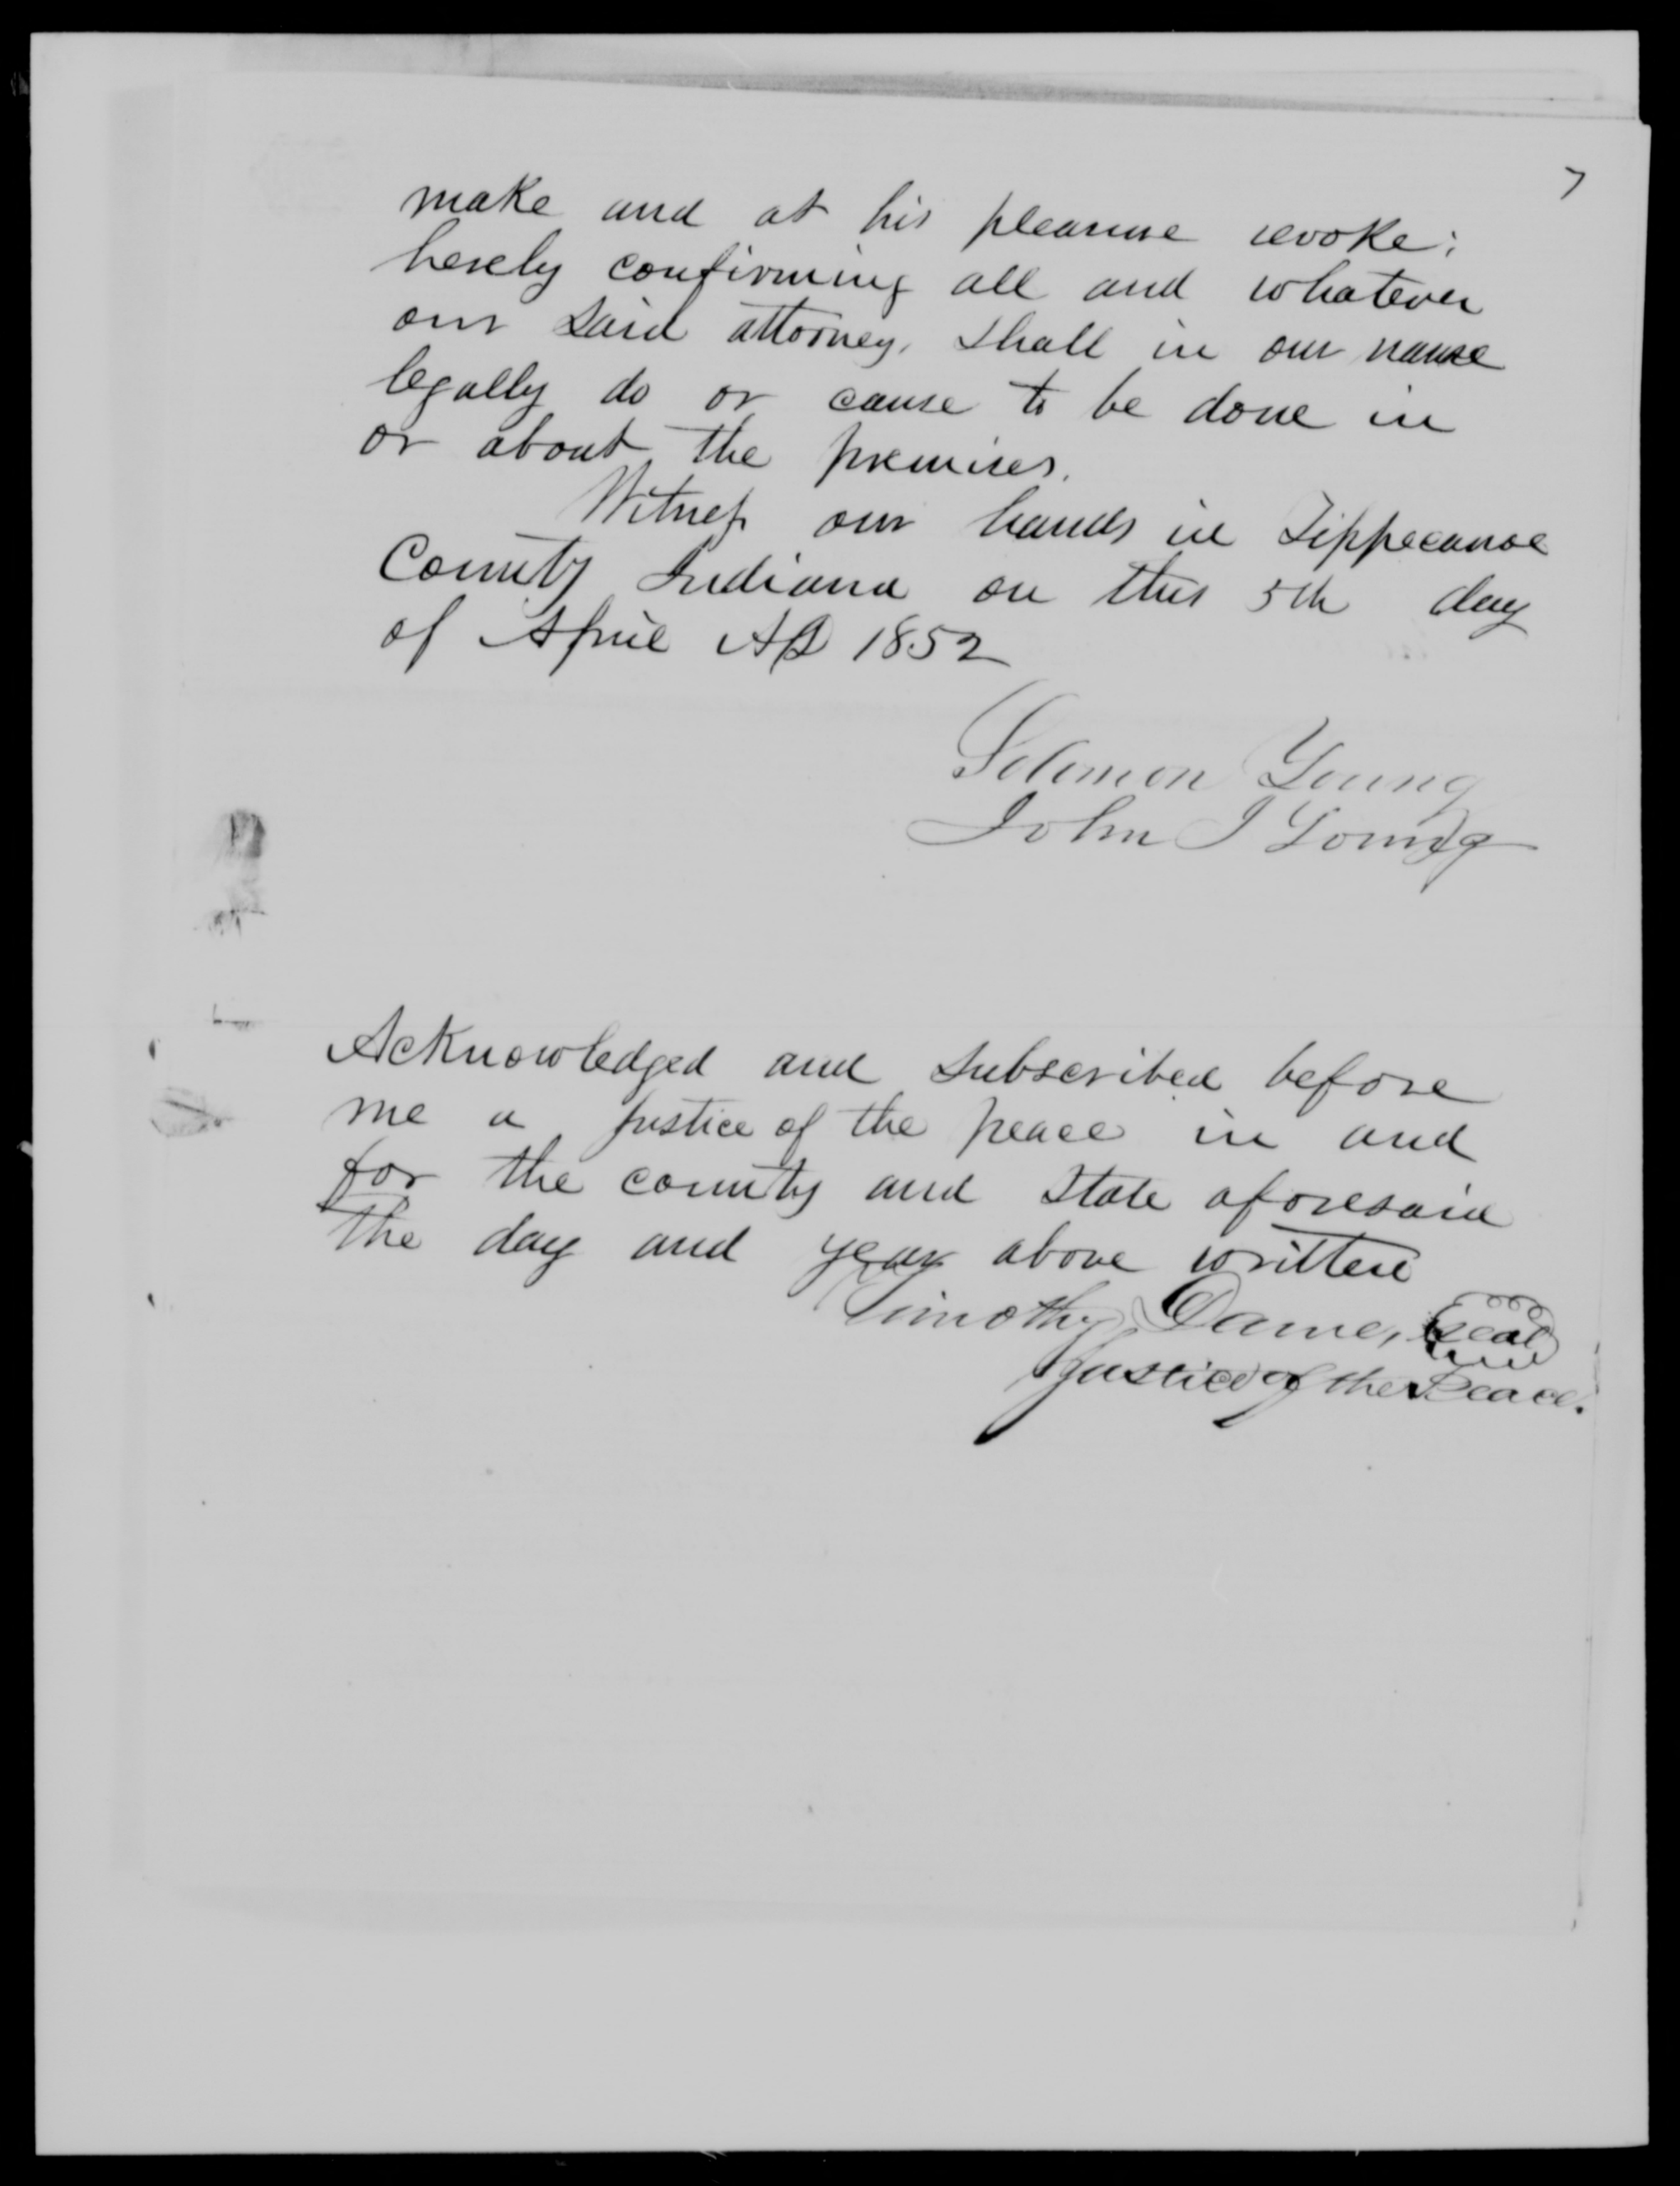7
make and at his pleasure revoke,
hereby confirming all and whatever
our said attorney, shall in our name
legally do or cause to be done in
or about the premises.
Witness our hands in Tippecanoe
County Indiana on this 5th day
of April AD 1852
Solomon Young
John J Young

Acknowledged and subscribed before
me a Justice of the peace in and
for the County and State aforesaid
the day and year above written
Timothy Dame {seal}
Justice of the Peace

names: John J Young, Timothy Dame, Solomon Young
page: 112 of 123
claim: rejected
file: R. 11,949, Matthias Young, Md.